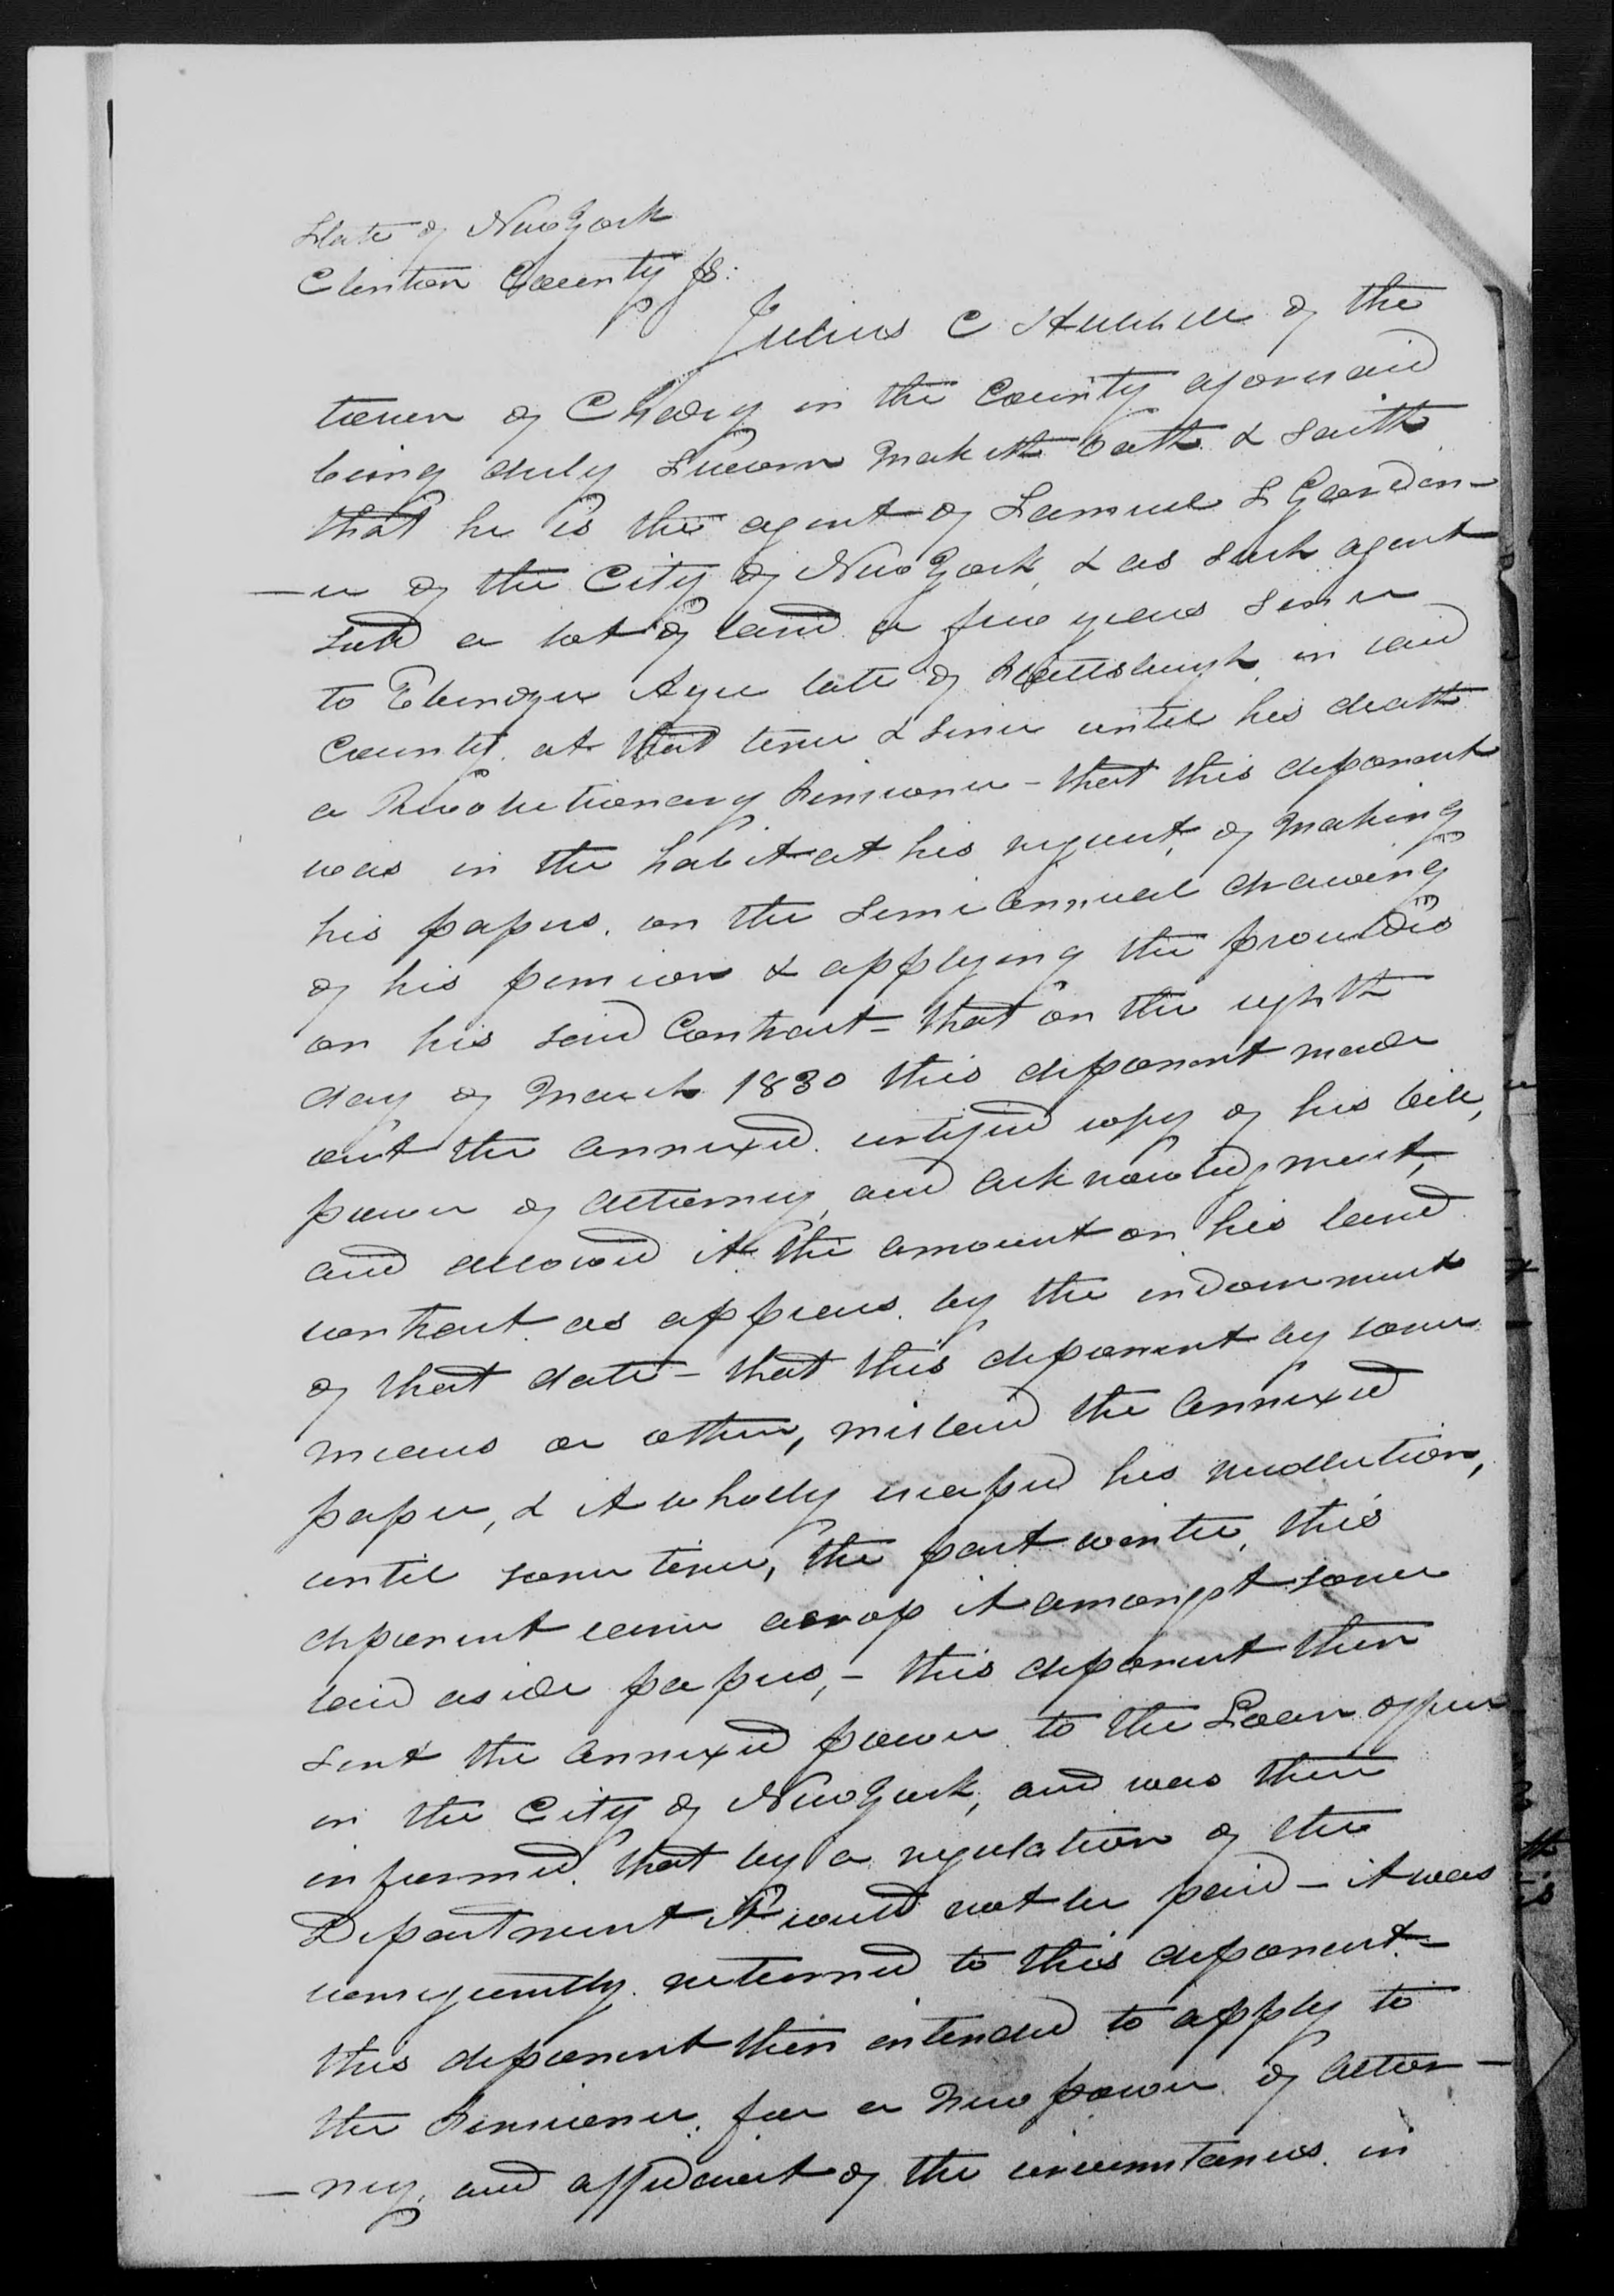State of New York
Clinton County ss:
Julius C Hubbell of the town of [illegible] in the County aforesaid being duly sworn maketh oath & saith that he is the agent of Samuel L. Gardiner of the City of New York, & as such agent sold a lot of land a few years since to Ebenezer Ayer late of Plattsburgh in said County at that time & since until his death a Revolutionary pensioner - that this deponent was in the habit at his request of making his papers on the semi annual drawing of his pension & applying the proceeds on his said Contract - that on the eighth day of March 1830 this deponent made out the annexed certified copy of his bill, power of attorney, and acknowledgment, and allowed it the amount of his land contract as appears by the endorsement of that date - that this deponent by some means or other, mislaid the annexed paper, & it wholly escaped his recollection, until some time the past winter, this deponent came across it amongst some laid aside papers, - this deponent then sent the annexed power to the Loan office in the City of New York, and was then informed that by a regulation of the Department it would not be paid - it was consequently returned to this deponent - this deponent then intended to apply to the Pensioner for a new Power of Attorney, and affidavit of the circumstances in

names: Samuel L Gordon, Ebenezer Ayer, Julius C Hubbell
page: 36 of 50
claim: widow's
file: W. 8559, Ebenezer Ayer, Continental (Conn)